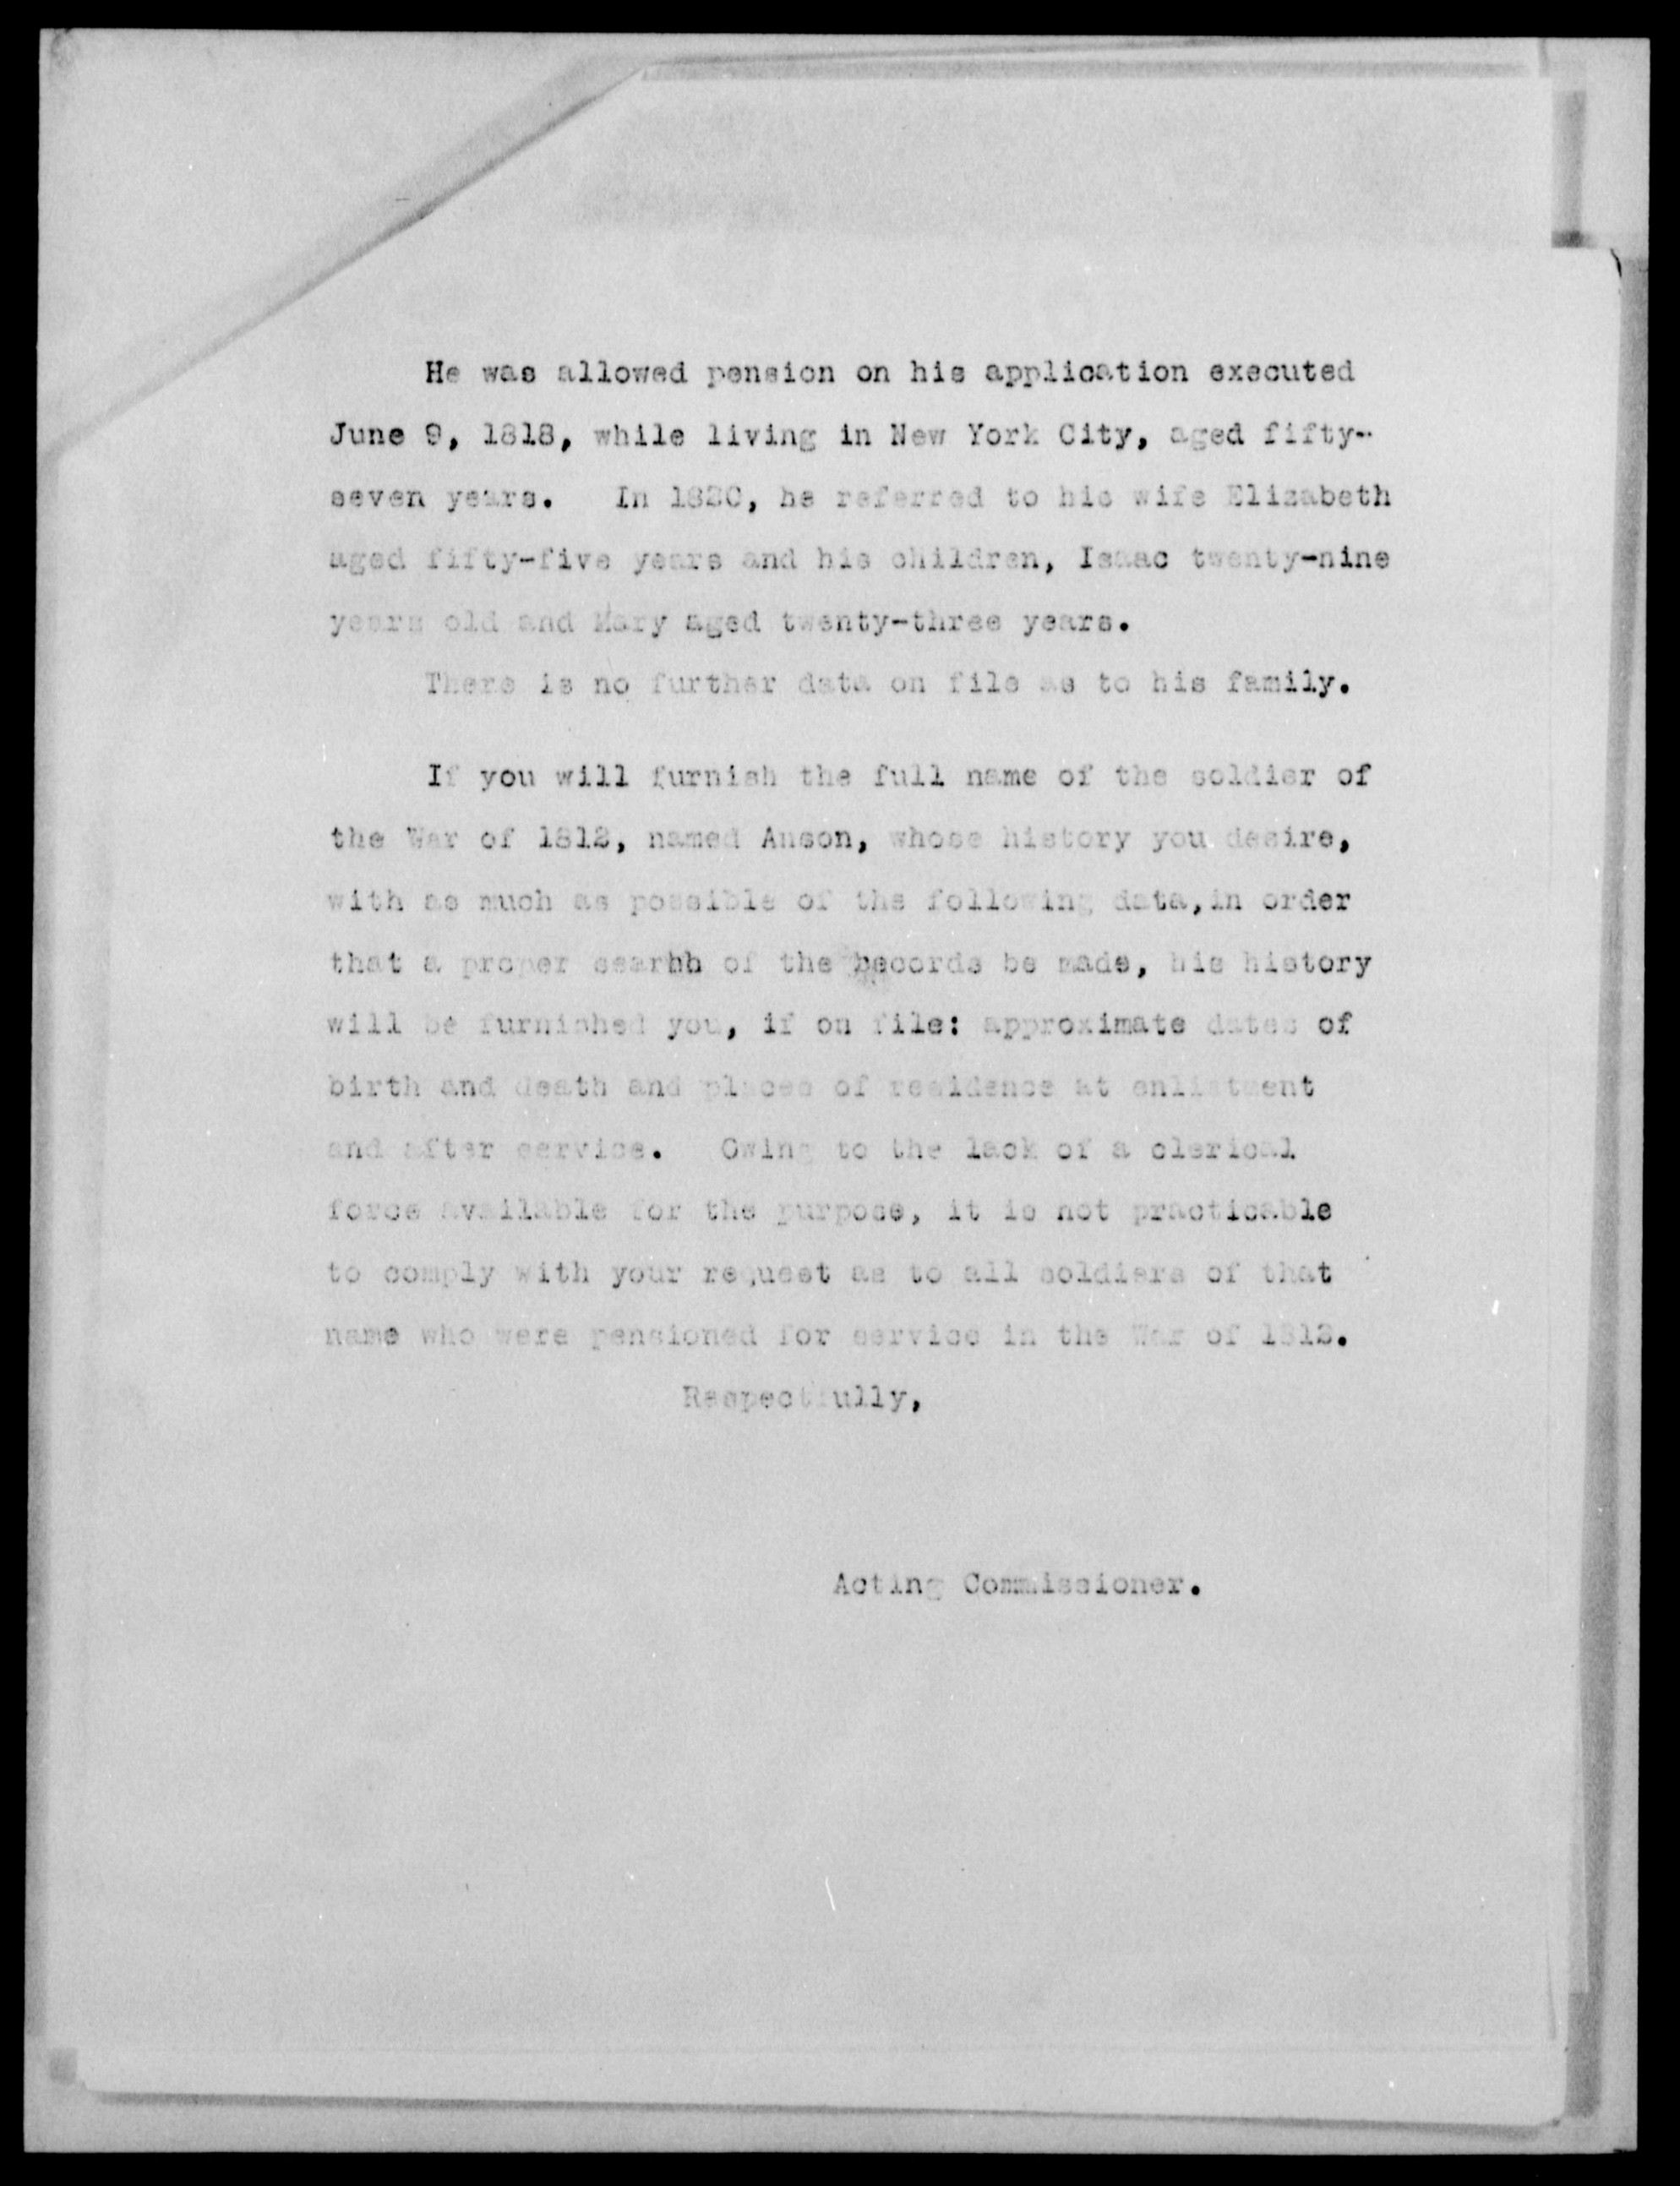He was allowed pension on his application executed June 9, 1818, while living in New York City, aged fifty- seven years. In 1820 he referred to his wife Elizabeth aged fifty-five years and his children, Isaac twenty-nine years old and Mary aged twenty-three years. 
There is no further data on file as to his family. 
If you will furnish the full name of the soldier of the War of 1812, named Anson, whose history you desire, with as much as possible of the following data, in order that a proper search of the records be made, his history will be furnished you, if on file:  approximate dates of birth and death and place of residence at enlistment and after service. Owing to the lack of a clerical force available for the purpose, it is not practicable to comply with your request as to all soldiers of that name who were pensioned for service in the war of 1812. 
Respectfully,
Acting Commissioner.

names: [BLANK] Anson; Elizabeth [BLANK]; Isaac [BLANK]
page: 30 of 30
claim: survivor's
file: S. 42289, for Seymore Sherwood, Connecticut